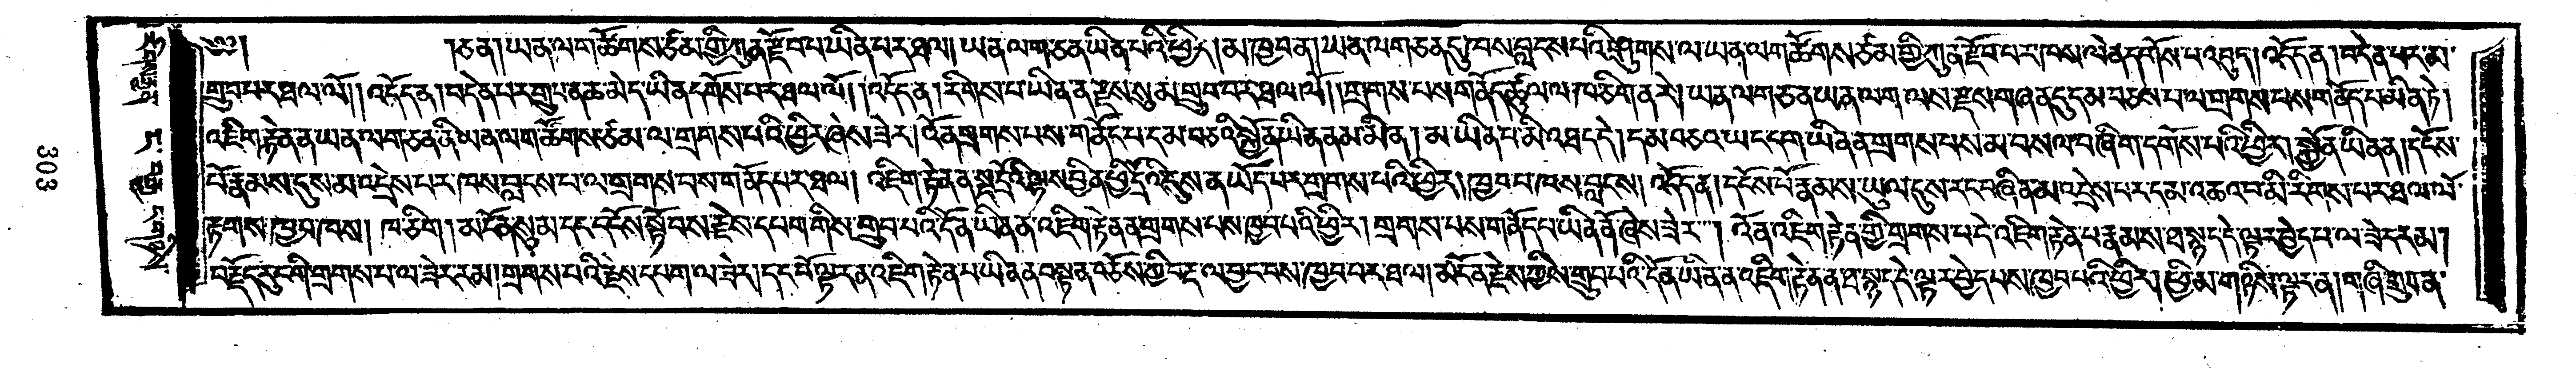༄༅། །ཅན༑ ཡན་ལག་ཚོགས་ཙམ་གྱི་ཀུན་རྫོབ་པ་ཡིན་པར་ཐལ། ཡན་ལག་ཅན་ཡིན་པའི་ཕྱིར། མ་ཁྱབ་ན། ཡན་ལག་ཅན་དུ་ཁས་བླངས་པའི་ཤུགས་ལ་ཡན་ལག་ཚོགས་ཙམ་གྱི་ཀུན་རྫོབ་པར་ཁས་ལེན་དགོས་པ་འབུད། འདོད་ན། བདེན་པར་མ་
གྲུབ་པར་ཐལ་ལོ། །འདོད་ན། བདེན་པར་གྲུབ་ན་ཆ་མེད་ཡིན་དགོས་པར་ཐལ་ལོ། །འདོད་ན། རིགས་པ་ཡིན་ན་རྫས་སུ་མ་གྲུབ་པར་ཐལ་ལོ། །གྲགས་པས་གནོད་ཚུལ་ལ་ཁ་ཅིག་ན་རེ། ཡན་ལག་ཅན་ཡན་ལག་ལས་རྫས་གཞན་དུ་དམ་བཅས་པ་ལ་གྲགས་པས་གནོད་པ་ཡིན་ཏེ།
འཇིག་རྟེན་ན་ཡན་ལག་ཅན་ནི་ཡན་ལག་ཚོགས་ཙམ་ལ་གྲགས་པའི་ཕྱིར་ཞེས་ཟེར། འོ་ན་གྲགས་པས་གནོད་པ་དམ་བཅའི་སྐྱོན་ཡིན་ནམ་མིན། མ་ཡིན་པ་མི་འཐད་དེ། དམ་བཅའ་ཡང་དག་ཡིན་ན་གྲགས་པས་མ་བསལ་བ་ཞིག་དགོས་པའི་ཕྱིར། སྐྱོན་ཡིན་ན། དངོས་
པོ་རྣམས་དུས་མ་འདྲེས་པར་ཁས་བླངས་པ་ལ་གྲགས་པས་གནོད་པར་ཐལ། འཇིག་རྟེན་ན་སྔ་དྲོའི་ལྷས་བྱིན་ཕྱི་དྲོའི་དུས་ན་ཡོད་པར་གྲགས་པའི་ཕྱིར། ཁྱབ་པ་ཁས་བླངས། འདོད་ན། དངོས་པོ་རྣམས་ཡུལ་དུས་རང་བཞིན་མ་འདྲེས་པར་དམ་འཆའ་བ་མི་རིགས་པར་ཐལ་ལོ། །
རྟགས་ཁྱབ་ཁས། ཁ་ཅིག །མངོན་སུམ་དང་དངོས་སྟོབས་རྗེས་དཔག་གིས་གྲུབ་པའི་དོན་ཡིན་ན་འཇིག་རྟེན་ན་གྲགས་པས་ཁྱབ་པའི་ཕྱིར། གྲགས་པས་གནོད་པ་ཡིན་ནོ་ཞེས་ཟེར། འོ་ན་འཇིག་རྟེན་གྱི་གྲགས་པ་དེ་འཇིག་རྟེན་པ་རྣམས་ཐ་སྙད་དེ་ལྟར་བྱད་པ་ལ་ཟེར་རམ།
བརྗོད་རུང་གི་གྲགས་པ་ལ་ཟེར་རམ། གྲགས་པའི་རྗེས་དཔག་ལ་ཟེར། དང་པོ་ལྟར་ན་འཇིག་རྟེན་པ་ཡིན་ན་བསྟན་བཅོས་ཀྱི་བརྡ་ལ་བྱང་བས་ཁྱབ་པར་ཐལ། མངོན་རྗེས་ཀྱིས་གྲུབ་པའི་དོན་ཡིན་ན་འཇིག་རྟེན་ན་ཐ་སྙད་དེ་ལྟར་བྱེད་པས་ཁྱབ་པའི་ཕྱིར། ཕྱི་མ་གཉིས་ལྟར་ན། གཞི་གྲུབ་ན་